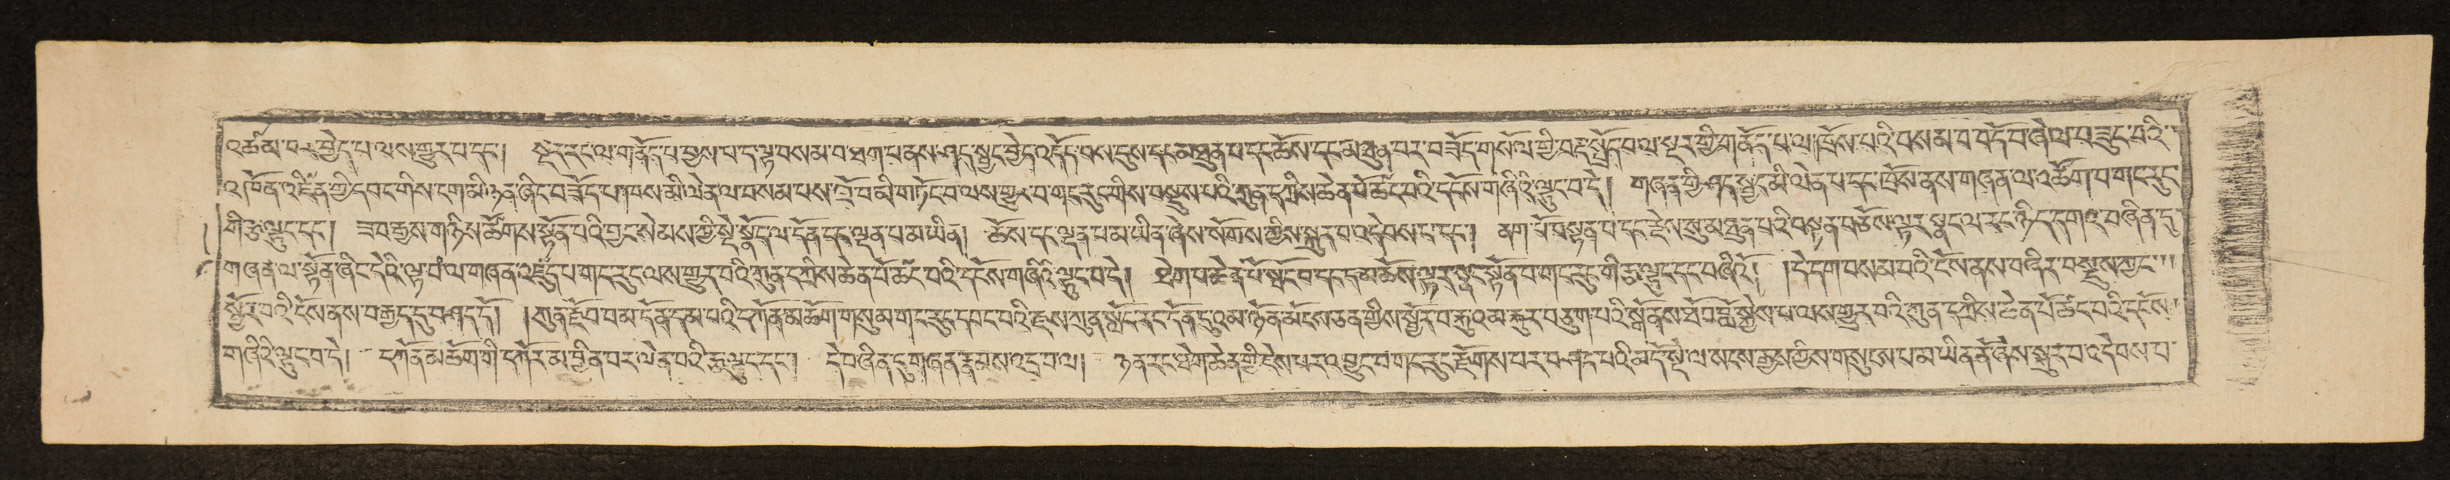འཚམ་བར་བྱེད་པ་ལས་གྱུར་པ་དང་། སྔར་རང་ལ་གནོད་པ་བྱས་པ་ད་ལྟ་བསམ་པ་ཐག་པ་ནས་ཤད་སྦྱང་བྱེད་འདོད་པས་དུས་དང་མཐུན་པ་དང་ཆོས་དང་མཐུན་པར་བཟོད་གསོལ་གྱི་བརྡ་སྤྲོད་པ་ལ་སྔར་གྱི་གནོད་པ་ལ་ཁྲོས་པའི་བསམ་བ་བདོ་བ་ཞེལ་བཟུང་བའི་
འཁོན་འཛིན་གྱི་དབང་གིས་ངག་མི་ཉན་ཞིང་བཟོད་པ་ཁས་མི་ལེན་ལ་བསམ་པས་ཁྲོ་བ་མི་གཏོང་བ་ལས་གྱུར་བ་གང་རུང་གིས་བསྡུས་པའི་ཀུན་དཀྲིས་ཆེན་པོ་ཚང་བའི་དངོས་གཞིའི་ལྟུང་བ་དེ། གཞན་གྱི་ཤད་སྦྱང་མི་ལེན་པ་དང་ཁྲོས་ནས་གཞན་ལ་འཆོག་པ་གང་རུང་
གི་རྩ་ལྟུང་དང་། ཟབ་རྒྱས་གཉིས་ཚོགས་སྟོན་པའི་བྱང་སེམས་ཀྱི་སྡེ་སྣོད་ལ་དོན་དང་ལྡན་པ་མ་ཡིན། ཆོས་དང་ལྡན་པ་མ་ཡིན་ཞེས་སོགས་ཀྱིས་སྐུར་བ་འདེབས་པ་དང་། ནག་པོ་བསྟན་པ་དང་རྗེས་སུ་མཐུན་པའི་བསྟན་བཅོས་ལྟར་སྣང་ལ་རང་ཉིད་དགའ་བཞིན་དུ་
གཞན་ལ་སྟོན་ཞིང་དེའི་ལྟ་བ་ལ་གཞན་འཇུད་པ་གང་རུང་ལས་གྱུར་བའི་ཀུན་དཀྲིས་ཆེན་པོ་ཚང་བའི་དངོས་གཞིའི་ལྟུང་བ་དེ། ཐེག་པ་ཆེན་པོ་སྦོང་བ་དང་དམ་ཆོས་ལྟར་སྣང་སྟོན་པ་གང་རུང་གི་རྩ་ལྟུང་དང་བཞིའོ། །དེ་དག་བསམ་པའི་ངོས་ངས་བཞིར་བསྡུས་ཀྱང་
སྦྱོར་བའི་ངོས་ནས་བརྒྱད་དུ་བཤད་དོ། །ཀུན་རྫོབ་བམ་དོན་དམ་པའི་དཀོན་མཆོག་གསུམ་གང་རུང་དབང་བའི་རྫས་ཀུན་སློང་རང་དོན་དུའམ་ཉོན་མོངས་ཅན་གྱིས་སྦྱོར་བ་རྐུ་འམ་རྐུར་བཅུག་པའི་སྒོ་ནས་ཐོབ་བློ་སྐྱེས་པ་ལས་གྱུར་བའི་ཀུན་དཀྲིས་ཆེན་པོ་ཚང་བའི་དངོས་
གཞིའི་ལྟུང་བ་དེ། དཀོན་མཆོག་གི་དཀོར་མ་བྱིན་པར་ལེན་པའི་རྩ་ལྟུང་དང་། དེ་བཞིན་དུ་གཞན་རྣམས་འདྲ་བ་ལ། ཉན་རང་ཐེག་ཆེན་གྱི་ངེས་པར་འབྱུང་བ་གང་རུང་རྫོགས་པར་བཤད་པའི་མདོ་སྡེ་ལ་སངས་རྒྱས་ཀྱིས་གསུངས་པ་མ་ཡིན་ནོ་ཞེས་སྐུར་བ་འདེབས་པ་